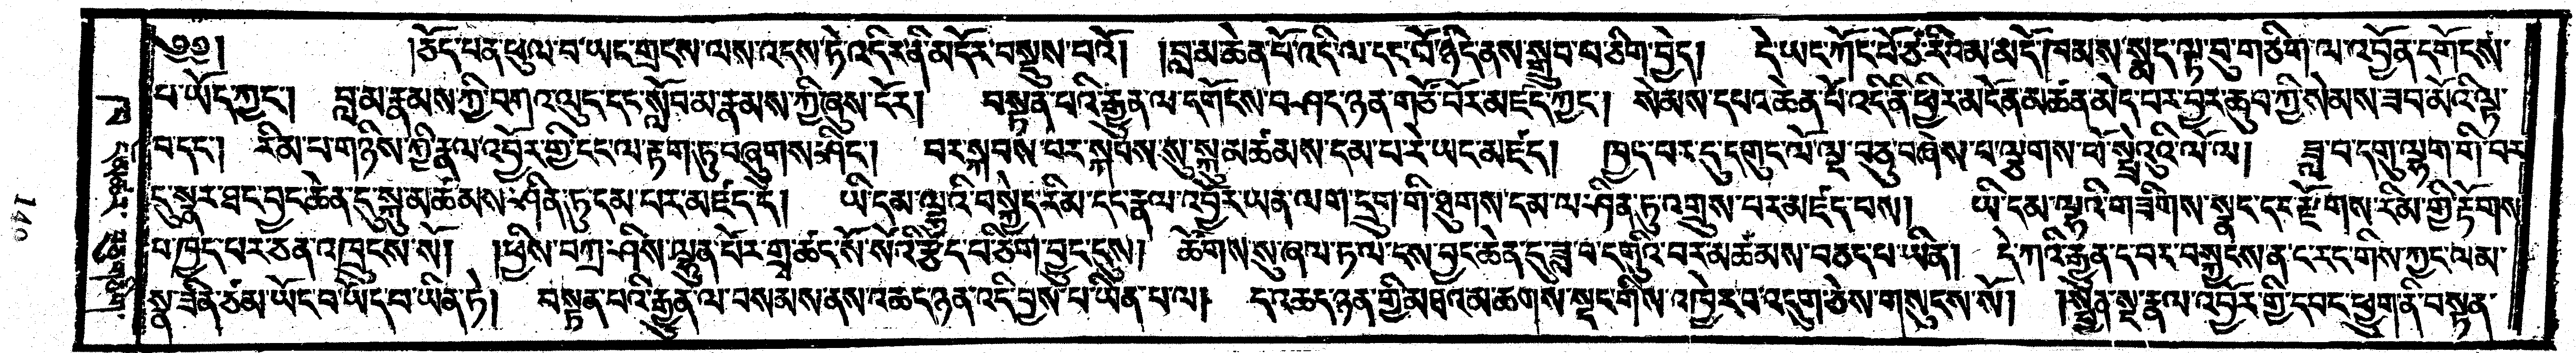༄༅། །ཅོད་པན་ཕུལ་བ་ཡང་གྲངས་ལས་འདས་ཏེ་འདིར་ནི་མདོར་བསྡུས་པའོ། །བླ་མ་ཆེན་པོ་འདི་ལ་དང་པོ་ཉིད་ནས་སྒྲུབ་པ་ཅིག་བྱེད། དེ་ཡང་ཀོང་པོ་ཙ་རིའམ་མདོ་ཁམས་སྨད་ལྟ་བུ་གཅིག་ལ་འབྱོན་དགོངས་
པ་ཡོད་ཀྱང་། བླ་མ་རྣམས་ཀྱི་བཀའ་ལུང་དང་སློབ་མ་རྣམས་ཀྱི་ཞུས་ངོར། བསྟན་པའི་རྒྱུན་ལ་དགོངས་བཤད་ཉན་གཙོ་བོར་མཛད་ཀྱང་། སེམས་དཔའ་ཆེན་པོ་འདི་ནི་ཕྱིར་མངོན་མཚན་མེད་པར་བྱང་ཆུབ་ཀྱི་སེམས་ཟབ་མོའི་ལྟ་
བ་དང་། རིམ་པ་གཉིས་ཀྱི་རྣལ་འབྱོར་གྱི་ངང་ལ་རྟག་ཏུ་བཞུགས་ཤིང་། བར་སྐབས་པར་སྐབས་སུ་སྐུ་མཚམས་དམ་པ་རེ་ཡང་མཛད། ཁྱད་པར་དུ་དགུང་ལོ་ལྔ་བཅུ་བཞེས་པ་ལྕགས་ཕོ་སྤྲེའུའི་ལོ་ལ། ཟླ་བ་དགུ་ལྷག་གི་བར་
དུ་སྣར་ཐང་བྱང་ཆེན་དུ་སྐུ་མཚམས་ཤིན་ཏུ་དམ་པར་མཛད་དེ། ཡི་དམ་ལྷའི་བསྐྱེད་རིམ་དང་རྣལ་འབྱོར་ཡན་ལག་དྲུག་གི་ཐུགས་དམ་ལ་ཤིན་ཏུ་འགྲུས་པར་མཛད་པས། ཡི་དམ་ལྷའི་གཟིགས་སྣང་དང་རྫོགས་རིམ་གྱི་རྟོགས་
པ་ཁྱད་པར་ཅན་འཁྲུངས་སོ། །ཕྱིས་བཀྲ་ཤིས་ལྷུན་པོར་གྲྭ་ཚང་སོ་སོའི་རྩོད་པ་ཅིག་བྱུང་དུས། ཚོགས་སུ་ཞལ་ཏ་ལ་ངས་བྱང་ཆེན་དུ་ཟླ་བ་དགུའི་བར་མཚམས་བཅད་པ་ཡིན། དེ་ཀའི་རྒྱུན་ད་བར་བསྐྱངས་ན་ང་རང་གིས་ཀྱང་ལམ་
སྣ་ཟིན་ཙམ་ཡོང་བ་ཡོད་པ་ཡིན་ཏེ། བསྟན་པའི་རྒྱུན་ལ་བསམས་ནས་འཆད་ཉན་འདི་བྱས་པ་ཡིན་པ་ལ། ད་འཆད་ཉན་གྱི་མཐའ་མ་ཆགས་སྡང་གིས་འཁྱེར་བ་འདུག་ཅེས་གསུངས་སོ། །སྤྱན་སྔ་རྣལ་འབྱོར་གྱི་དབང་ཕྱུག་ནི་བསྟན་